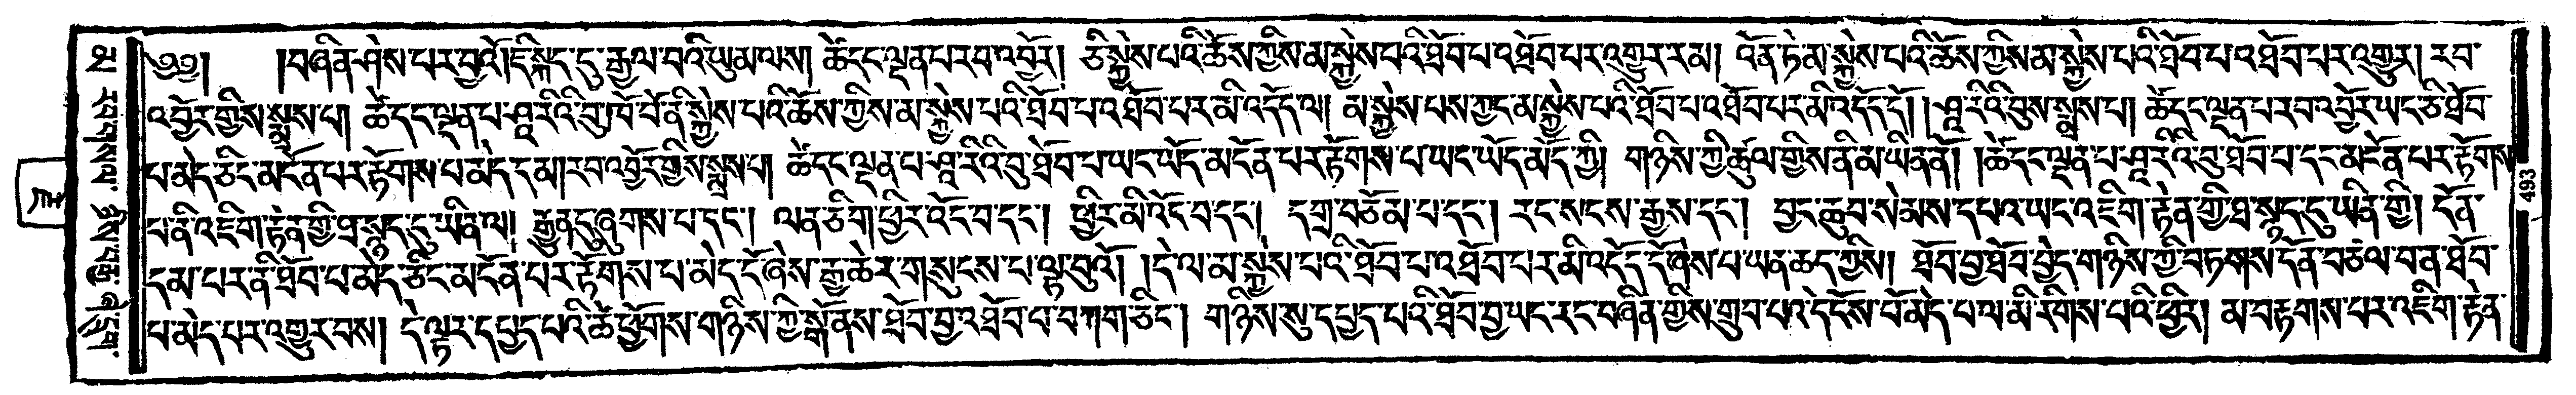༄༅། །བཞིན་ཤེས་པར་བྱའོ། །ཇི་སྐད་དུ་རྒྱལ་པའི་ཡུམ་ལས། ཚེ་དང་ལྡན་པ་རབ་འབྱོར། ཅི་སྐྱེས་པའི་ཆོས་ཀྱིས་མ་སྐྱེས་པའི་ཐོབ་པ་འཐོབ་པར་འགྱུར་རམ། འོན་ཏེ་མ་སྐྱེས་པའི་ཆོས་ཀྱིས་མ་སྐྱེས་པའི་ཐོབ་པ་འཐོབ་པར་འགྱུར། རབ་
འབྱོར་གྱིས་སྨྲས་པ། ཚེ་དང་ལྡན་པ་ཤཱ་རིའི་བུ་ཁོ་བོ་ནི་སྐྱེས་པའི་ཆོས་ཀྱིས་མ་སྐྱེས་པའི་ཐོབ་པ་འཐོབ་པར་མི་འདོད་ལ། མ་སྐྱེས་པས་ཀྱང་མ་སྐྱེས་པའི་ཐོབ་པ་འཐོབ་པར་མི་འདོད་དོ། །ཤཱ་རིའི་བུས་སྨྲས་པ། ཚེ་དང་ལྡན་པ་རབ་འབྱོར་ཡང་ཅི་ཐོབ་
པ་མེད་ཅིང་མངོན་པར་རྟོགས་པ་མེད་དམ། རབ་འབྱོར་གྱིས་སྨྲས་པ། ཚེ་དང་ལྡན་པ་ཤཱ་རིའི་བུ་ཐོབ་པ་ཡང་ཡོད་མངོན་པར་རྟོགས་པ་ཡང་ཡོད་མོད་ཀྱི། གཉིས་ཀྱི་ཚུལ་གྱིས་ནི་མ་ཡིན་ནོ། །ཚེ་དང་ལྡན་པ་ཤཱ་རིའི་བུ་ཐོབ་པ་དང་མངོན་པར་རྟོགས་
པ་ནི་འཇིག་རྟེན་གྱི་ཐ་སྙད་དུ་ཡིན་ལ། རྒྱུན་དུ་ཞུགས་པ་དང་། ལན་ཅིག་ཕྱིར་འོང་བ་དང་། ཕྱིར་མི་འོང་བ་དང་། དགྲ་བཅོམ་པ་དང་། རང་སངས་རྒྱས་དང་། བྱང་ཆུབ་སེམས་དཔའ་ཡང་འཇིག་རྟེན་གྱི་ཐ་སྙད་དུ་ཡིན་གྱི། དོན་
དམ་པར་ནི་ཐོབ་པ་མེད་ཅིང་མངོན་པར་རྟོགས་པ་མེད་དོ་ཞེས་རྒྱ་ཆེར་གསུངས་པ་ལྟ་བུའོ། །དེ་ལ་མ་སྐྱེས་པའི་ཐོབ་པ་འཐོབ་པར་མི་འདོད་དོ་ཞེས་པ་ཡན་ཆད་ཀྱིས། ཐོབ་བྱ་ཐོབ་བྱེད་གཉིས་ཀྱི་བཏགས་དོན་བཙལ་བ་ན་ཐོབ་
པ་མེད་པར་འགྱུར་བས། དེ་ལྟར་དཔྱད་པའི་ཚེ་ཕྱོགས་གཉིས་ཀྱི་སྒོ་ནས་ཐོབ་བྱ་འཐོབ་པ་བཀག་ཅིང་། གཉིས་སུ་དཔྱད་པའི་ཐོབ་བྱ་ཡང་རང་བཞིན་གྱིས་གྲུབ་པའི་དངོས་པོ་མེད་པ་ལ་མི་རིགས་པའི་ཕྱིར། མ་བརྟགས་པར་འཇིག་རྟེན་